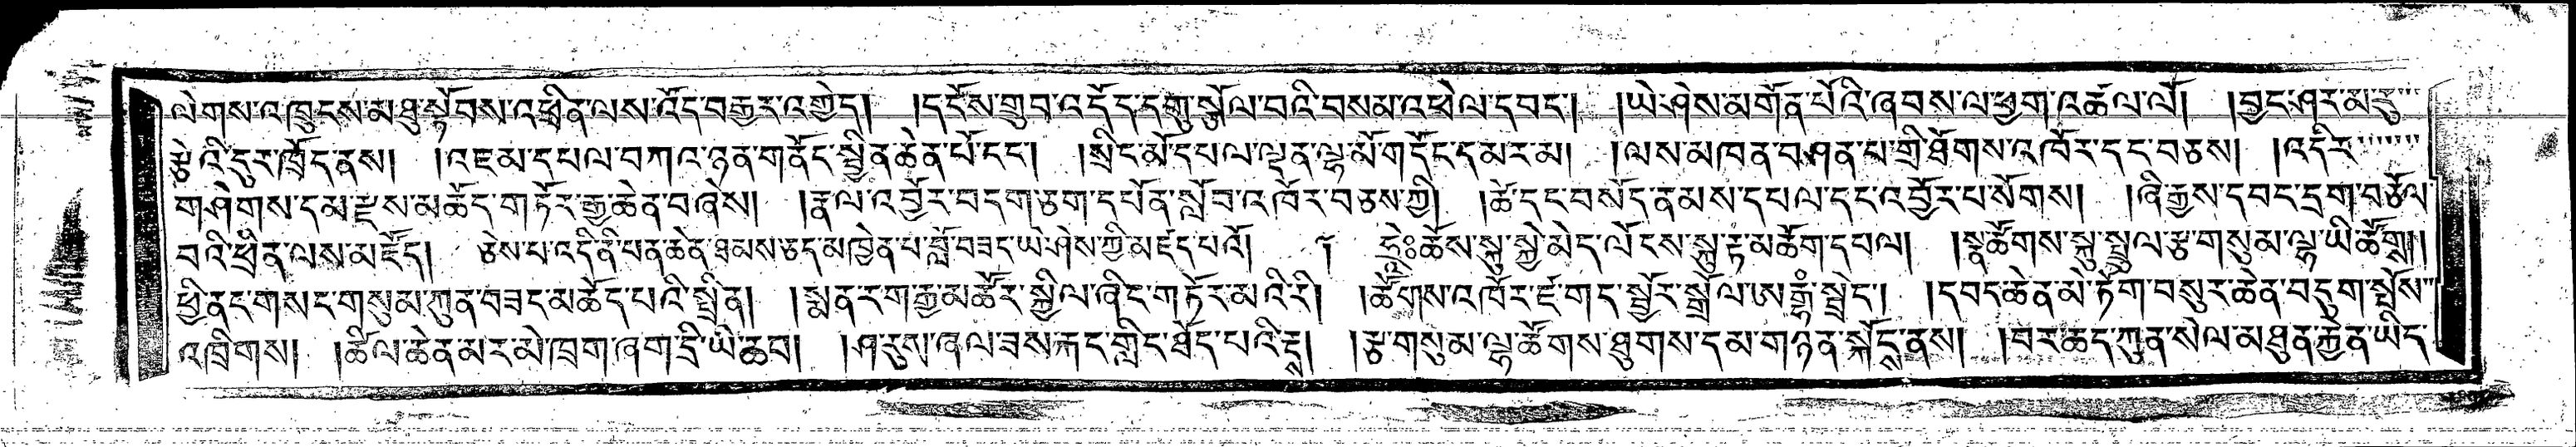ལེགས་འཁྲུངས་མཐུ་སྟོབས་འཕྲིན་ལས་འོད་བརྒྱར་འགྱེད། །དངོས་གྲུབ་འདོད་དགུ་སྕོལ་བའི་བསམ་འཕེལ་དབང་། །ཡེ་ཤེས་མགོན་པོའི་ཞབས་ལ་ཕྱག་འཚལ་ལོ། །བྱང་ཤར་མ་རུ་
རྩེའི་དུར་ཁྲོད་ནས། །འཇམ་དཔལ་བཀའ་ཉན་གནོད་སྦྱིན་ཆེན་པོ་དང་། །སྲིང་མོ་དཔལ་ལྡན་ལྷ་མོ་གདོང་དམར་མ། །ལས་མཁན་བཤན་པ་གྲི་ཐོགས་འཁོར་དང་བཅས། །འདིར་
གཤེགས་དམ་རྫས་མཆོད་གཏོར་རྒྱ་ཆེན་བཞེས། །རྣལ་འབྱོར་བདག་ཅག་དཔོན་སློབ་འཁོར་བཅས་ཀྱི། །ཚེ་དང་བསོད་ནམས་དཔལ་དང་འབྱོར་པ་སོགས། །ཞི་རྒྱས་དབང་དྲག་བཅོལ་
བའི་ཕྲིན་ལས་མཛོད། །ཅེས་པ་འདི་ནི་པན་ཆེན་ཐམས་ཅད་མཁྱེན་པ་བློ་བཟང་ཡེ་ཤེས་ཀྱི་མཛད་པའོ། ༈ ཧརEH ཆོས་སྐུ་སྐྱེ་མེད་ལོངས་སྐུ་རྟ་མཆོག་དཔལ། །སྣ་ཚོགས་སྐུ་སྤྲུལ་རྩ་གསུམ་ལྷ་ཡི་ཚོགས། །
ཕྱི་ནང་གསང་གསུམ་ཀུན་བཟང་མཆོད་པའི་སྤྲིན། །སྨན་རག་རྒྱ་མཚོར་སྐྱིལ་ཞིང་གཏོར་མའི་རི། །ཚོགས་འཁོར་ཛ་གད་སྦྱོར་སྒྲོལ་ཨརྒྷཾ་སྦྲེད། །དབང་ཆེན་མེ་ཏོག་བསུར་ཆེན་བདུག་སྤོས་
འཁྲིགས། །ཚིལ་ཆེན་མར་མེ་ཁྲག་ཞག་དྲི་ཡི་ཆབ། །ཤ་རུས་ཞལ་ཟས་རྐང་གླིང་ཐོད་པའི་རྡས། །རྩ་གསུམ་ལྷ་ཚོགས་ཐུགས་དམ་གཉན་སྐོངས་ནས། །བར་ཆད་ཀུན་སེལ་མཐུན་རྐྱེན་ཡིད་